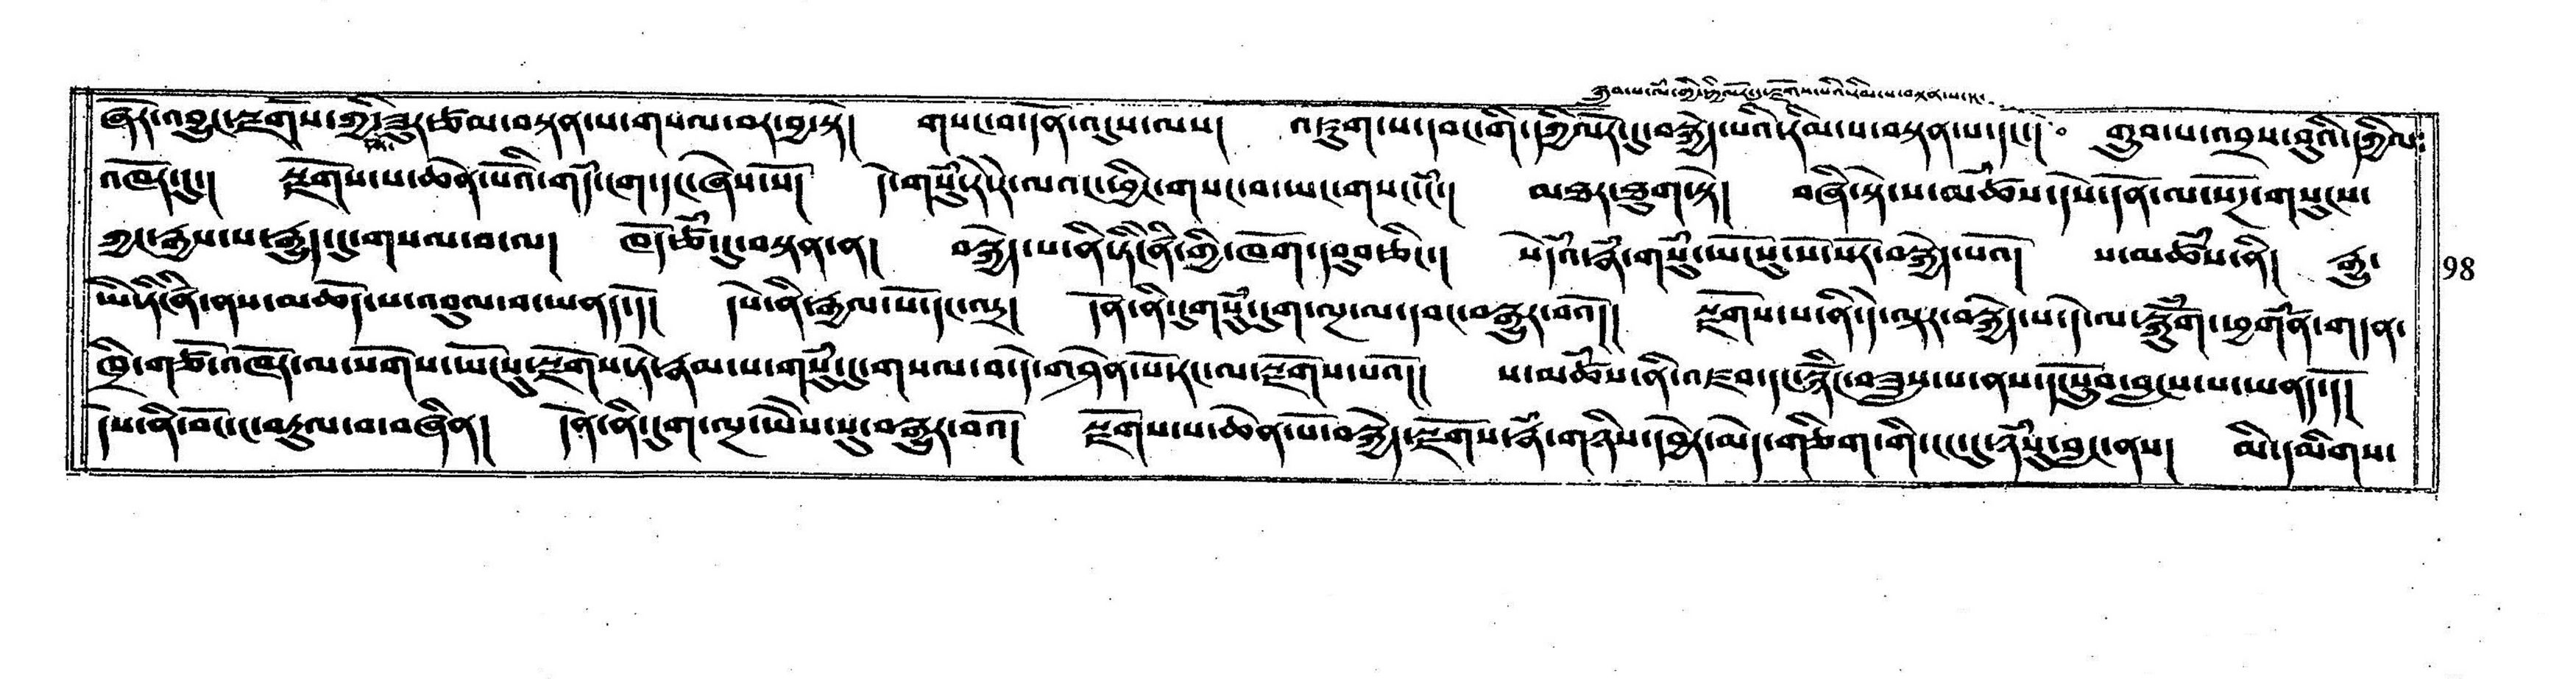ཞོར་འབྱུང་༼བསྐྱེད་༽རྫོགས་ཀྱི་དོན་ཟུར་ཙམ་བསྟན་པ་གསལ་བར་བྱ་སྟེ། གསང་བ་དོན་འདུས་ལས། འཇུག་པ་དབང་གི་དཀྱིལ་འཁོར་དུ་བསྐྱེད་པའི་རིམ་པ་བསྟན་པ་དང་། སྒྲུབ་པ་ལམ་གྱི་དཀྱིལ་འཁོར་དུ་རྫོགས་པའི་རིམ་པ་བསྟན་པ་དང་། གྲུབ་པ་འབྲས་བུའི་དཀྱིལ་
འཁོར་དུ། རྫོགས་པ་ཆེན་པོའི་གདམ་ངག་དང་ཞེས་སོ། དེ་གསུམ་རེ་རེ་ལའང་ཕྱི་ནང་གསང་བ་ཡང་གསང་ངམ། མཐར་ཐུག་སྟེ། བཞི་སྟེ་ས་མཚམས་དཔེ་དོན་ལ་སོགས་གསུངས་
ཀྱང་རྒྱས་པ་རྒྱུད་དུ་གསལ་བ་ལ། ཁོད་༼མདོ་༽ཙམ་དུ་བསྟན་ན། བསྐྱེད་པ་ནི་ཏིང་ངེ་འཛིན་གྱི་ཁོག་དབུབ་ཅིང་། སེམས་དཔའ་རྣམ་གསུམ་ཡོངས་སུ་སོ་སོར་བསྐྱེད་པའོ། ས་མཚམས་ནི། རྒྱུ་
ཡི་ཏིང་འཛིན་ནས་མཆོད་པ་འབུལ་བ་ཡན་ཆད་དོ། དཔེ་ནི་རྒྱལ་པོ་དང་འདྲ། དོན་ནི་དུག་གསུམ་དུག་ལྔ་ལ་དབང་བསྒྱུར་བའོ།། རྫོགས་པ་ནི་དེ་ལྟར་བསྐྱེད་པ་དེ་ལ་སྐུ་མདོག་ཕྱག་མཚན་གདན་
ཁྲི་གཙོ་འཁོར་ལ་སོགས་ཡོངས་སུ་རྫོགས་ཏེ་རྣམ་པ་གསུམ་དུ་གསལ་བ་དེ་གཤེན་པོ་རང་ལ་རྫོགས་པའོ།། ས་མཚམས་ནི་འཛབ་དང་སྙིང་པོ་བཟླས་པ་ནས་དངོས་གྲུབ་བླངས་པ་ཡན་ཆད་དོ། 
དེས་ནི་བོང་ང་བཏུལ་བ་བཞིན། དོན་ནི་དུག་ལྔ་ཡེ་ཤེས་སུ་བསྒྱུར་བའོ། རྫོགས་པ་ཆེན་པོ་བསྐྱེད་རྫོགས་རྣམ་གཉིས་དབྱེར་མེད་གཅིག་གི་ངང་དུ་ཉམས་སུ་བླང་ནས། མི་དམིགས་